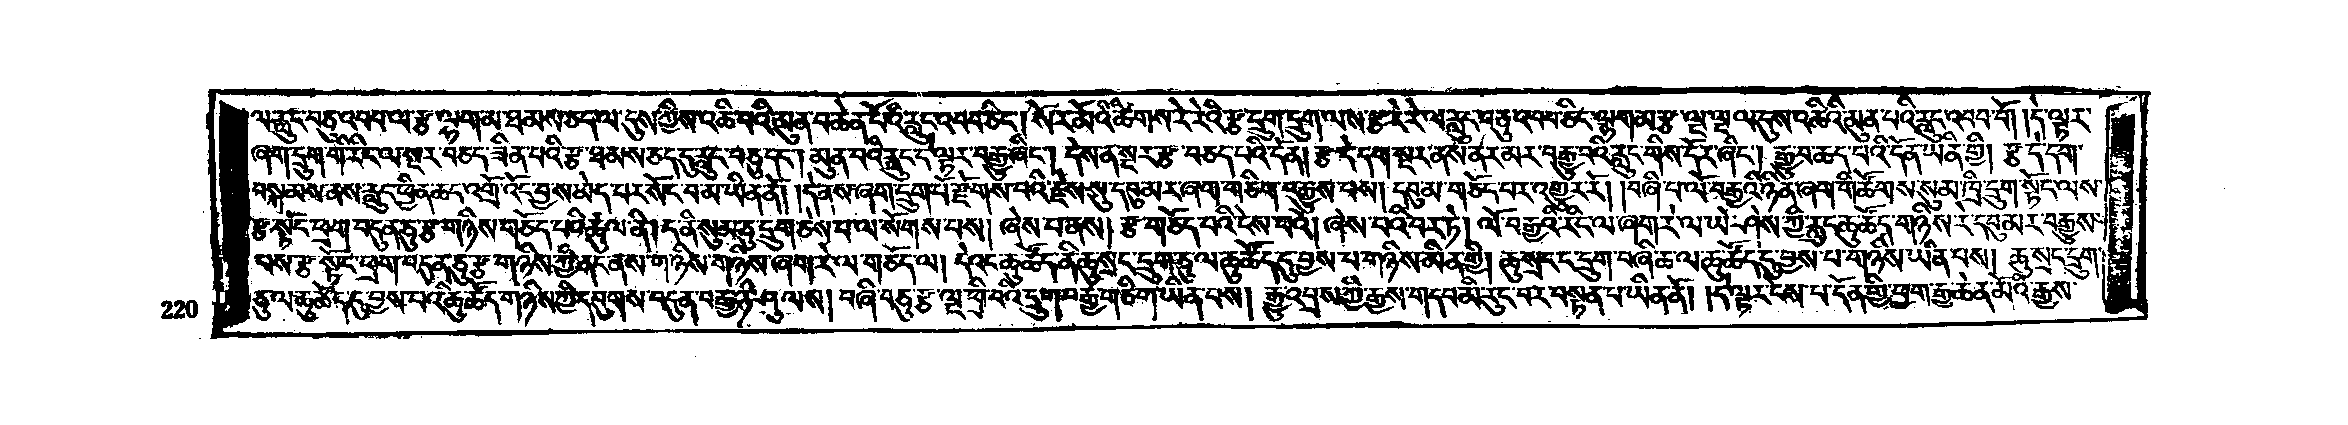ལ་རླུང་བཅུ་འབབ་ལ་རྩ་ལྷག་མ་ཐམས་ཅད་ལ་དུས་ཀྱིས་འཆི་བའི་མུན་པ་ཆེན་པོའི་རླུང་འབབ་ཅིང་། སོར་མོའི་ཚིགས་རེ་རེའི་རྩ་དྲུག་དྲུག་ལས་རྩ་རེ་རེ་ལ་རླུང་བཅུ་འབབ་ཅིང་ལྷག་མ་རྩ་ལྔ་ལྔ་ལ་དུས་འཆིའི་མུན་པའི་རླུང་འབབ་བོ། །དེ་ལྟར་
ཞག་དྲུག་གི་རིང་ལ་སྔར་བཅད་ཟིན་པའི་རྩ་ཐམས་ཅད་དུ་རླུང་བཅུ་དང་། མུན་པའི་རླུང་དེ་ལྟར་བརྒྱུ་ཞིང་། དེས་ན་སྔར་རྩ་བཅད་པའི་དོན། རྩ་དེ་དག་སྔར་ནས་ནར་མར་བརྒྱུ་བའི་རླུང་གིས་དོར་ཞིང་། རྒྱུ་བ་ཆད་པའི་དོན་ཡིན་གྱི། རྩ་དེ་དག་
བསྐམས་ནས་རླུང་ཕྱིན་ཆད་འགྲོ་འོང་བྱ་ས་མེད་པར་སོང་བ་མ་ཡིན་ནོ། །དེ་ནས་ཞག་དྲུག་པོ་རྫོགས་པའི་རྗེས་སུ་དབུ་མར་ཞག་གཅིག་བརྒྱུས་པས། དབུ་མ་གཅོད་པར་འགྱུར་རོ། །བཞི་པ་ལོ་བརྒྱའི་ཉིན་ཞག་གི་ཚོགས་སུམ་ཁྲི་དྲུག་སྟོང་ལས་
རྩ་སྟོང་ཕྲག་བདུན་ཅུ་རྩ་གཉིས་གཅོད་པའི་ཚུལ་ནི། ད་ནི་སུམ་ཅུ་དྲུག་ཅེས་པ་ལ་སོགས་པས། ཞེས་པ་ནས། རྩ་གཅོད་པའི་ངེས་པའོ། ཞེས་པའི་བར་ཏེ། ལོ་བརྒྱའི་རིང་ལ་ཞག་རེ་ལ་ཡེ་ཤེས་ཀྱི་རླུང་ཆུ་ཚོད་གཉིས་རེ་དབུ་མར་བརྒྱུས་
པས་རྩ་སྟོང་ཕྲག་བདུན་ཅུ་རྩ་གཉིས་ཀྱི་ནང་ནས་གཉིས་གཉིས་ཞག་རེ་ལ་གཅོད་ལ། དེའང་ཆུ་ཚོད་ནི་ཆུ་སྲང་དྲུག་ཅུ་ལ་ཆུ་ཚོད་དུ་བྱས་པ་གཉིས་མིན་གྱི། ཆུ་སྲང་ང་དྲུག་བཞི་ཆ་ལ་ཆུ་ཚོད་དུ་བྱས་པ་གཉིས་ཡིན་པས། ཆུ་སྲང་དྲུག་
ཅུ་ལ་ཆུ་ཚོད་དུ་བྱས་པའི་ཆུ་ཚོད་གཉིས་ཀྱི་དབུགས་བདུན་བརྒྱ་ཉི་ཤུ་ལས། བཞི་བཅུ་རྩ་ལྔ་ཕྲི་བའི་དྲུག་བརྒྱ་གཅིག་ཡིན་པས། རྒྱུ་འབྲས་ཀྱི་རྒྱས་གདབ་མི་རུང་བར་བསྟན་པ་ཡིན་ནོ། །དེ་ལྟར་ངེས་པ་དོན་གྱི་ཕྱག་རྒྱ་ཆེན་མོའི་རྒྱས་